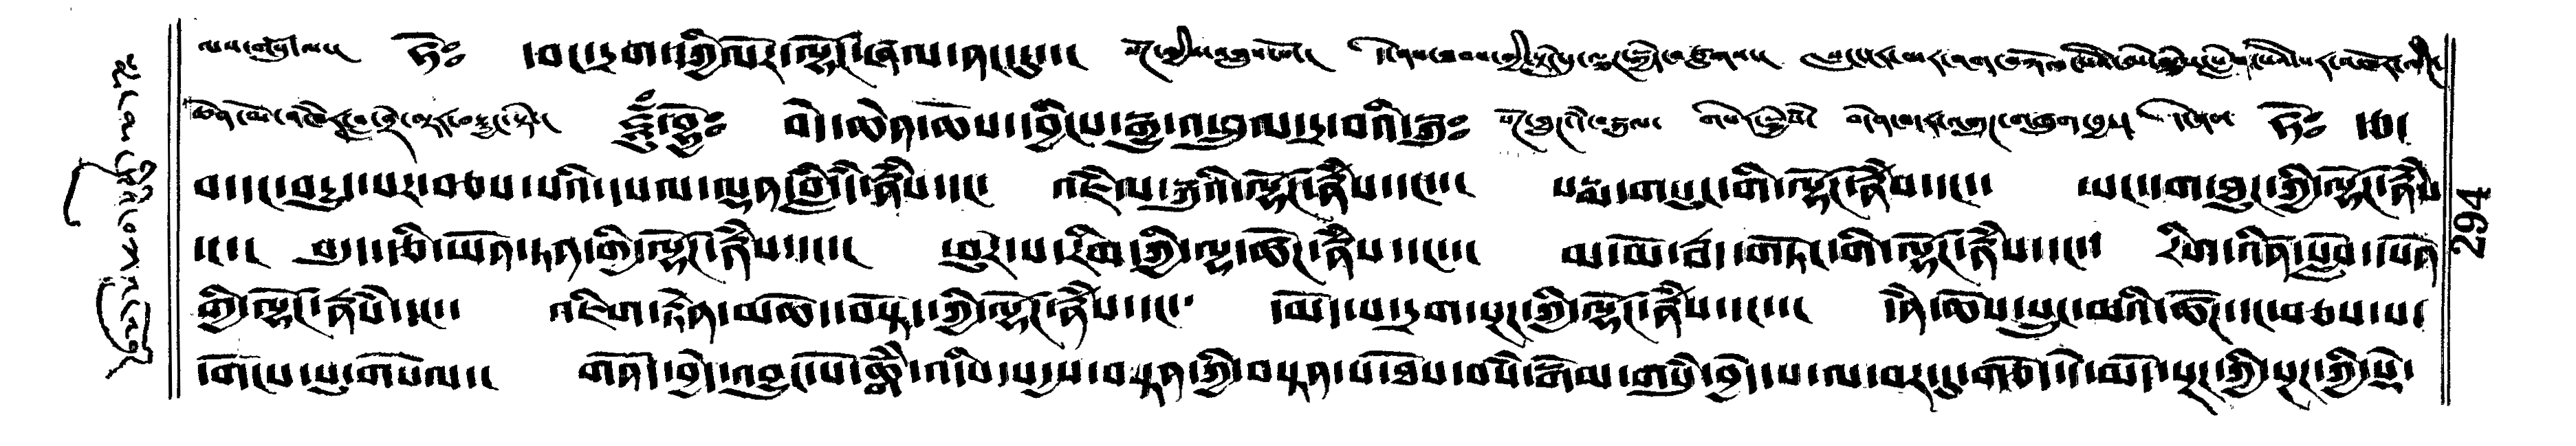ལས་གསུམ་ལ། ཧོ༔ དབང་དྲག་དཀྱིལ་འཁོར་ལྷ་ཚོགས་ཞལ་ནང་དུ༔ སོགས་ཀྱིས་འཐུས་སོ། དེ་ནས་ཐབ་ཀྱི་སྟེང་དུ་ལྕགས་སྒྱེད་བཙུགས། སླང་ངར་མར་ནག་བཀོལ་པའི་མེ་ལྕེས་སླེབ་པའི་སར་འཁོར་ལིང་
ཆེན་མོ་ནམ་འཁར་བླ་བྲེ་ལྟར་བསྐྱང་སྟེ། ཧཱུྃ་བྷྱོ༔ བདེ་ཆེན་ཆོས་དབྱིངས་སྒྱུ་འཕྲུལ་དྲ་བའི་སྐུ༔ སོགས་ཐུགས་དམ་བསྐུལ། གསེར་སྐྱེམས། བདེན་བདར་འགུགས་བཞུག་བྱ། དེ་ནས། ཧོཿ རྩ་
བ་དང་བརྒྱུད་པར་བཅས་པའི་དཔལ་ལྡན་བླ་མ་དམ་པ་རྣམས་དང་། འཇམ་དཔལ་སྐུའི་ལྷ་ཚོགས་རྣམས་དང་། པདྨ་གསུང་གི་ལྷ་ཚོགས་རྣམས་དང་། ཡང་དག་ཐུགས་ཀྱི་ལྷ་ཚོགས་རྣམས་
དང་། བདུད་རྩི་ཡོན་ཏན་གྱི་ལྷ་ཚོགས་རྣམས་དང་།ཕུར་པ་ཕྲིན་ལས་ཀྱི་ལྷ་ཚོགས་རྣམས་དང་། མ་མོ་རྦོད་གཏོང་གི་ལྷ་ཚོགས་རྣམས་དང་། རིག་འཛིན་སློབ་དཔོན་
གྱི་ལྷ་ཚོགས་རྣམས་དང་། འཇིག་རྟེན་མཆོད་བསྟོད་ཀྱི་ལྷ་ཚོགས་རྣམས་དང་། དམོད་པ་དྲག་སྔགས་ཀྱི་ལྷ་ཚོགས་རྣམས་དང་། དམ་ཅན་ཆོས་སྲུང་མའི་ཚོགས་དང་བཅས་པ་
དགོངས་སུ་གསོལ། གནོད་བྱེད་འབྱུང་པོ་ཆེ་གེ་མོ་འདིས་སངས་རྒྱས་ཀྱི་བསྟན་པ་ཐོས་བསམ་སྒོམ་གསུམ་བྱེད་པ་ལ་བར་དུ་གཅོད་དེ་མདོ་སྔགས་ཀྱི་སྡེ་